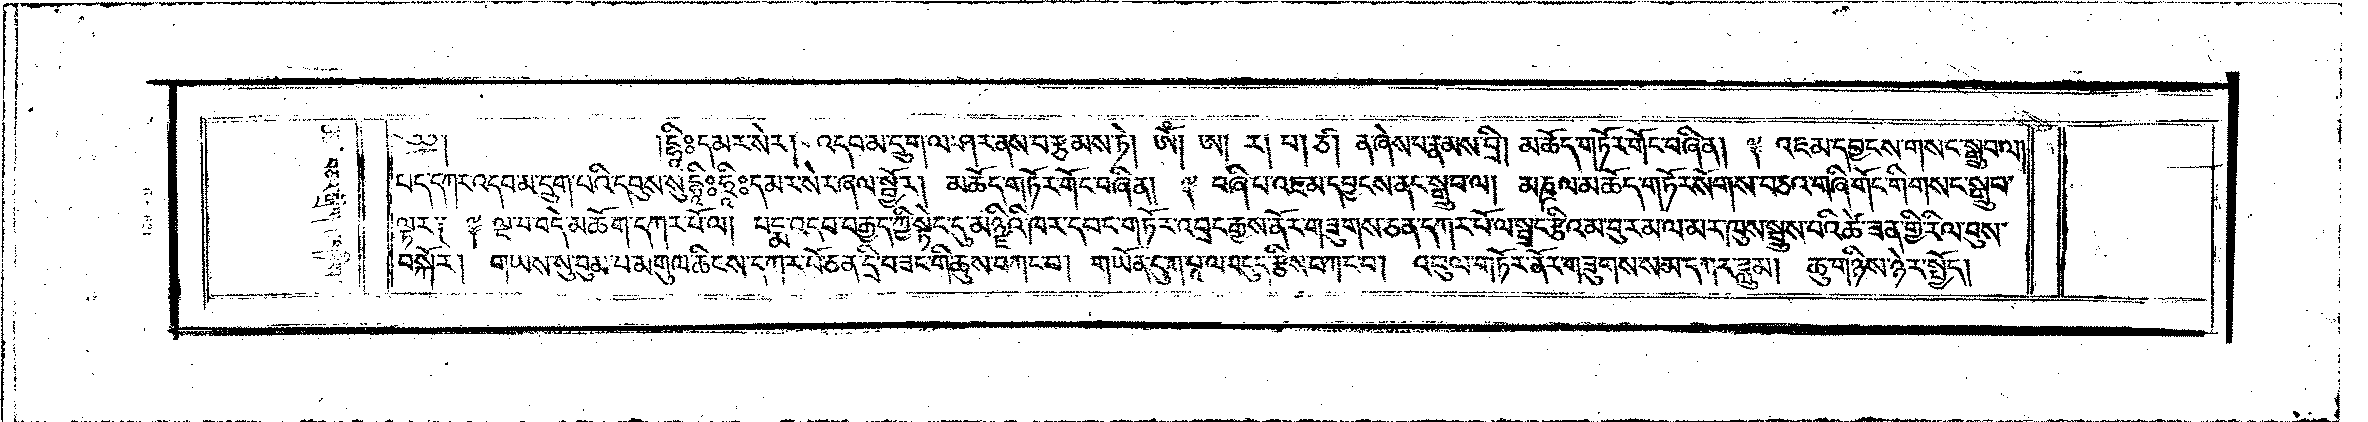༄༅། །དྷཱིཿདམར་སེར། འདབ་མ་དྲུག་ལ་ཤར་ནས་བརྩམས་ཏེ། ཨོཾ། ཨ། ར། པ། ཙ། ན་ཞེས་པ་རྣམས་བྲི། མཆོད་གཏོར་གོང་བཞིན། ༈ འཇམ་དབྱངས་གསང་སྒྲུབ་ལ།
པད་དཀར་འདབ་མ་དྲུག་པའི་དབུས་སུདྷཱིཿཧྲཱིཿདམར་སེར་ཞལ་སྦྱོར། མཆོད་གཏོར་གོང་བཞིན། ༈ བཞི་པ་འཇམ་དབྱངས་ནང་སྒྲུབ་ལ། མཎྜལ་མཆོད་གཏོར་སོགས་བཅའ་གཞི་གོང་གི་གསང་སྒྲུབ་
ལྟར༑ ༈ ལྔ་པ་བདེ་མཆོག་དཀར་པོ་ལ། པདམ་འདབ་བརྒྱུད་ཀྱི་སྟེང་དུ་མཉྫིའི་ཁར་དབང་གཏོར་འབྲང་རྒྱས་ནོར་གཟུགས་ཅན་དཀར་པོ་ལ་སྦྲང་རྩིའམ་བུ་ར་མ་ལ་མར་ཁྲུས་སྦྲུས་པའི་ཚེ་ཟན་གྱི་རིལ་བུས་
བསྐོར། གཡས་སུ་བུམ་པ་མགུལ་ཆིངས་དཀར་པོ་ཅན་དྲི་བཟང་གི་ཆུས་བཀང་བ། གཡོན་དུ་ཀ་པཱ་ལ་བདུད་རྩིས་བཀང་བ། འབུལ་གཏོར་ནོར་གཟུགས་སམ་དཀར་ཟླུམ། ཆུ་གཉིས་ཉེར་སྤྱོད།